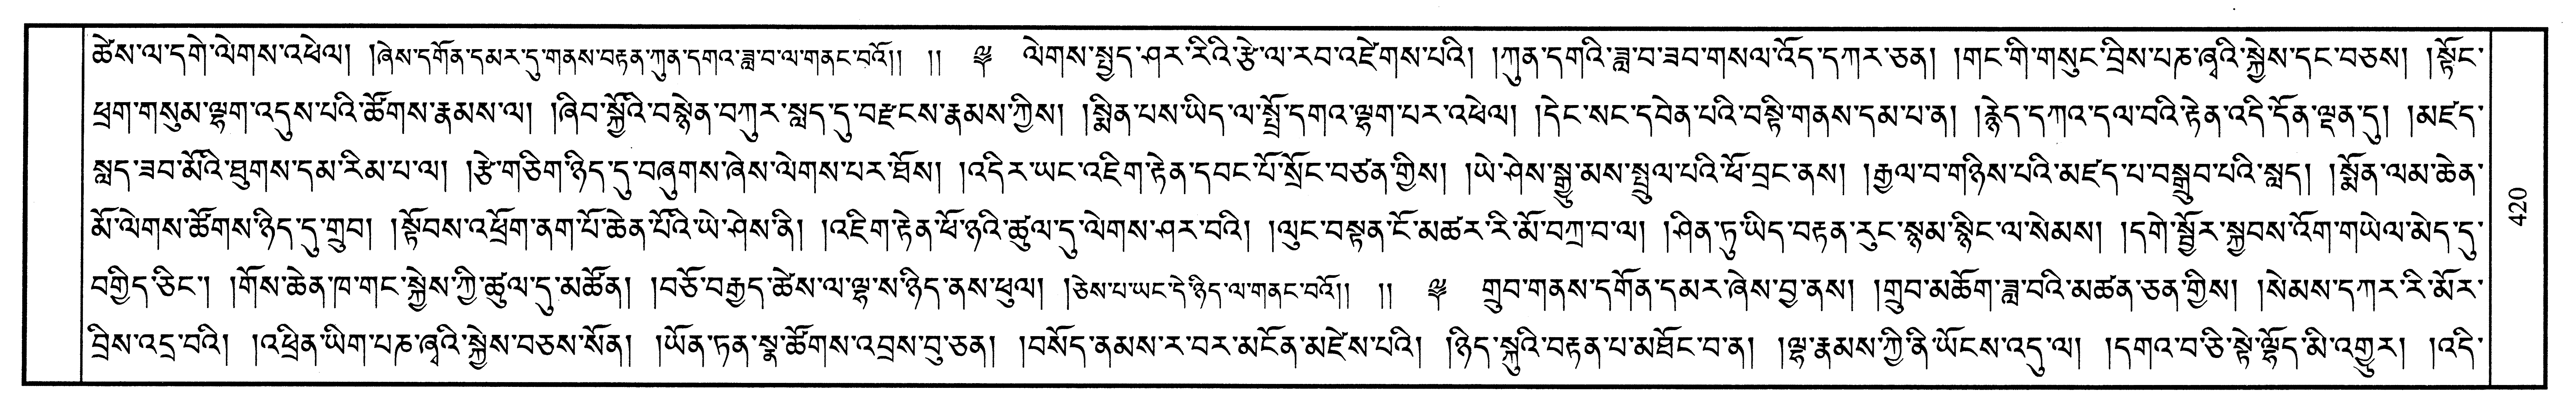ཚེས་ལ་དགེ་ལེགས་འཕེལ། །ཞེས་དགོན་དམར་དུ་གནས་བརྟན་ཀུན་དགའ་ཟླ་བ་ལ་གནང་བའོ།། །། ༈ ལེགས་སྤྱད་ཤར་རིའི་རྩེ་ལ་རབ་འཛེགས་པའི། །ཀུན་དགའི་ཟླ་བ་ཟབ་གསལ་འོད་དཀར་ཅན། །གང་གི་གསུང་བྲིས་པཎ་ཞྭའི་སྐྱེས་དང་བཅས། །སྟོང་
ཕྲག་གསུམ་ལྷག་འདུས་པའི་ཚོགས་རྣམས་ལ། །ཞིབ་སྐྱོའི་བསྙེན་བཀུར་སླད་དུ་བརྫངས་རྣམས་ཀྱིས། །སྨིན་པས་ཡིད་ལ་སྤྲོ་དགའ་ལྷག་པར་འཕེལ། །དེང་སང་དབེན་པའི་བསྟི་གནས་དམ་པ་ན། །རྙེད་དཀའ་དལ་བའི་རྟེན་འདི་དོན་ལྡན་དུ། །མཛད་
སླད་ཟབ་མོའི་ཐུགས་དམ་རིམ་པ་ལ། །རྩེ་གཅིག་ཉིད་དུ་བཞུགས་ཞེས་ལེགས་པར་ཐོས། །འདིར་ཡང་འཇིག་རྟེན་དབང་པོ་སྲོང་བཙན་གྱིས་།ཡེ་ཤེས་སྒྱུ་མས་སྤྲུལ་པའི་ཕོ་བྲང་ནས། །རྒྱལ་བ་གཉིས་པའི་མཛད་པ་བསྒྲུབ་པའི་སླད། །སྨོན་ལམ་ཆེན་
མོ་ལེགས་ཚོགས་ཉིད་དུ་གྲུབ། །སྟོབས་འཕྲོག་ནག་པོ་ཆེན་པོའི་ཡེ་ཤེས་ནི། །འཇིག་རྟེན་ཕོ་ཉའི་ཚུལ་དུ་ལེགས་ཤར་བའི། །ལུང་བསྟན་ངོ་མཚར་རི་མོ་བཀྲ་བ་ལ། །ཤིན་ཏུ་ཡིད་བརྟན་རུང་སྙམ་སྙིང་ལ་སེམས། །དགེ་སྦྱོར་སྐྱབས་འོག་གཡེལ་མེད་དུ་
བགྱིད་ཅིང་། །གོས་ཆེན་ཁ་གང་སྐྱེས་ཀྱི་ཚུལ་དུ་མཚོན། །བཅོ་བརྒྱད་ཚེས་ལ་ལྷ་ས་ཉིད་ནས་ཕུལ། །ཅེས་པ་ཡང་དེ་ཉིད་ལ་གནང་བའོ།། །། ༈ གྲུབ་གནས་དགོན་དམར་ཞེས་བྱ་ནས། །གྲུབ་མཆོག་ཟླ་བའི་མཚན་ཅན་གྱིས། །སེམས་དཀར་རི་མོར་
བྲིས་འདྲ་བའི། །འཕྲིན་ཡིག་པཎ་ཞྭའི་སྐྱེས་བཅས་སོན། །ཡོན་ཏན་སྣ་ཚོགས་འབྲས་བུ་ཅན། །བསོད་ནམས་ར་བར་མངོན་མཛེས་པའི། །ཉིད་སྐུའི་བརྟན་པ་མཐོང་བ་ན། །ལྷ་རྣམས་ཀྱི་ནི་ཡོངས་འདུ་ལ། །དགའ་བ་ཅི་སྟེ་ལྷོད་མི་འགྱུར། །འདི་